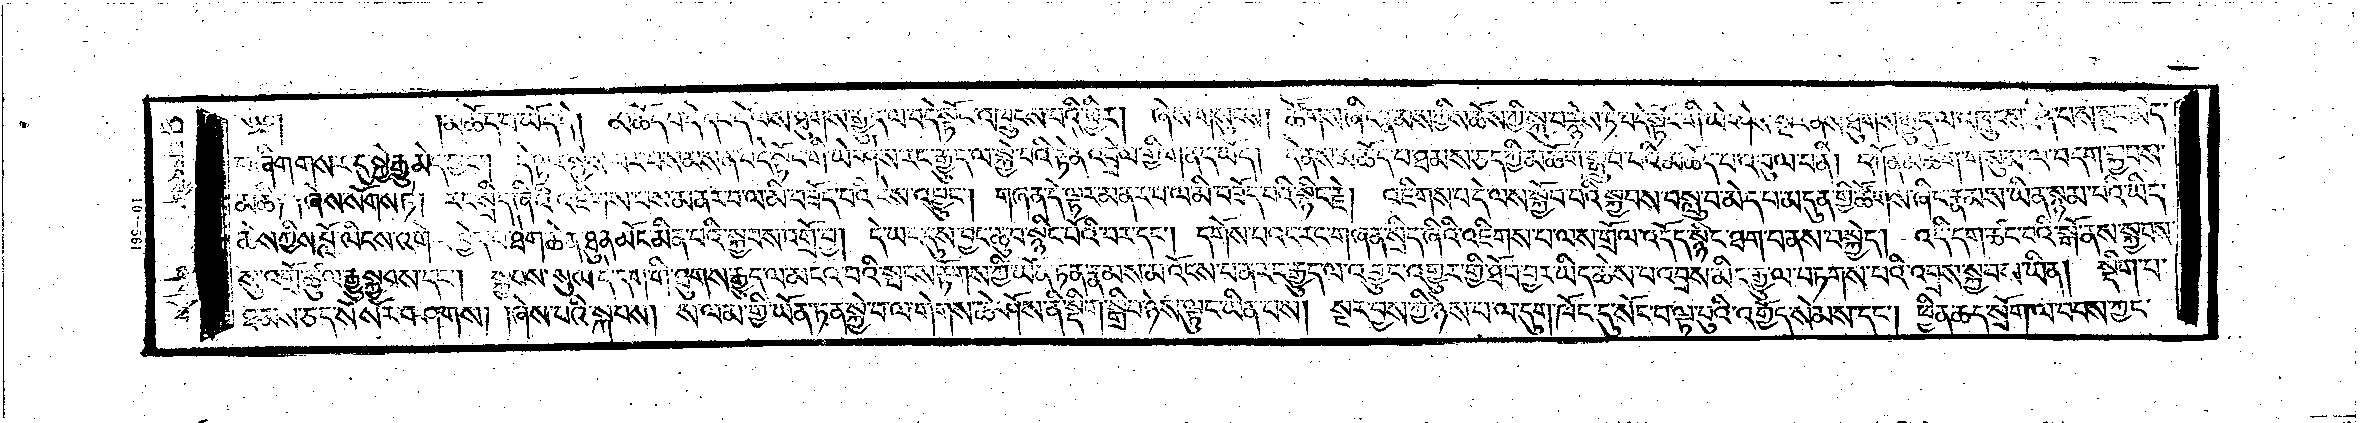༄༅། །མཆོད་པ་ཡོད་དེ། མཆོད་པ་དེ་དང་དེ་ལས་ཐུགས་རྒྱུད་ལ་བདེ་སྟོང་འཁྲུངས་པའི་ཕྱིར། ཞེས་གསུངས། ཚོགས་ཞིང་རྣམས་ཀྱིས་ཆོས་ཀྱི་སྐུ་བརྙེས་ཏེ་བདེ་སྟོང་གི་ཡེ་ཤེས་སྔར་ནས་ཐུགས་རྒྱུད་ལ་འཁྲུངས་ཟིན་པས་སྔར་མེད་
པ་ཞིག་གསར་དུ་སྐྱེ་རྒྱུ་མེད་ཀྱང་། དེ་ལྟར་སྐྱེས་པར་བསམས་ན་བདེ་སྟོང་གི་ཡེ་ཤེས་རང་རྒྱུད་ལ་སྐྱེ་བའི་རྟེན་འབྲེལ་གྱི་གནད་ཡོད། དེ་ནས་མཆོད་པ་ཐམས་ཅད་ཀྱི་མཆོག་སྒྲུབ་པའི་མཆོད་པ་འབུལ་བ་ནི། དཀོན་མཆོག་གསུམ་ལ་བདག་སྐྱབས་
མཆི༑ ༑ཞེས་སོགས་ཏེ། རང་སྲིད་ཞིའི་འཇིགས་པས་མནར་བ་ལ་མི་བཟོད་པའི་ངེས་འབྱུང་། གཞན་དེ་ལྟར་མནར་བ་ལ་མི་བཟོད་པའི་སྙིང་རྗེ། འཇིགས་བདེ་ལས་སྐྱོབ་པའི་སྐྱབས་བསླུ་བ་མེད་པ་མདུན་གྱི་ཚོགས་ཞིང་རྣམས་ཡིན་སྙམ་པའི་ཡིད་
ཆེས་ཀྱིས་བློ་ལིངས་འགེལ་བྱེད་པ་ཐེག་ཆེན་ཐུན་མོང་མིན་པའི་སྐྱབས་འགྲོ་བྱ། དེ་ཡང་དུས་བྱང་ཆུབ་སྙིང་པོའི་བར་དང་། དགོས་བའང་རང་གཞན་སྲིད་ཞིའི་འཇིགས་པ་ལས་གྲོལ་འདོད་སྙིང་ཐག་པ་ནས་བསྐྱེད། འདི་དག་ཚང་བའི་སྒོ་ནས་སྐྱབས་
སུ་འགྲོ་ཚུལ་རྒྱུ་སྐྱབས་དང་། སྐྱབས་ཡུལ་དེ་དག་གི་ཐུགས་རྒྱུད་ལ་མངའ་བའི་སྤངས་རྟོགས་ཀྱི་ཡོན་ཏན་རྣམས་མ་འོངས་པ་ན་རང་རྒྱུད་ལ་འབྱུང་འགྱུར་གྱི་ཐོབ་བྱར་ཡིད་ཆེས་པ་འབྲས་མིང་རྒྱུ་ལ་བཏགས་པའི་འབྲས་སྐྱབས་ཡིན། སྡིག་པ་
ཐམས་ཅད་སོ་སོར་བཤགས། །ཞེས་པའི་སྐབས། ས་ལམ་གྱི་ཡོན་ཏན་སྐྱེ་བ་ལ་གེགས་ཆེ་ཤོས་ནི་སྡིག་སྒྲིབ་ཉེས་ལྟུང་ཡིན་པས། སྔར་བྱས་ཀྱི་ཉེས་པ་ལ་དུག་ཁོང་དུ་སོང་བ་ལྟ་བུའི་འགྱོད་སེམས་དང་། ཕྱིན་ཆད་སྲོག་ལ་བབས་ཀྱང་